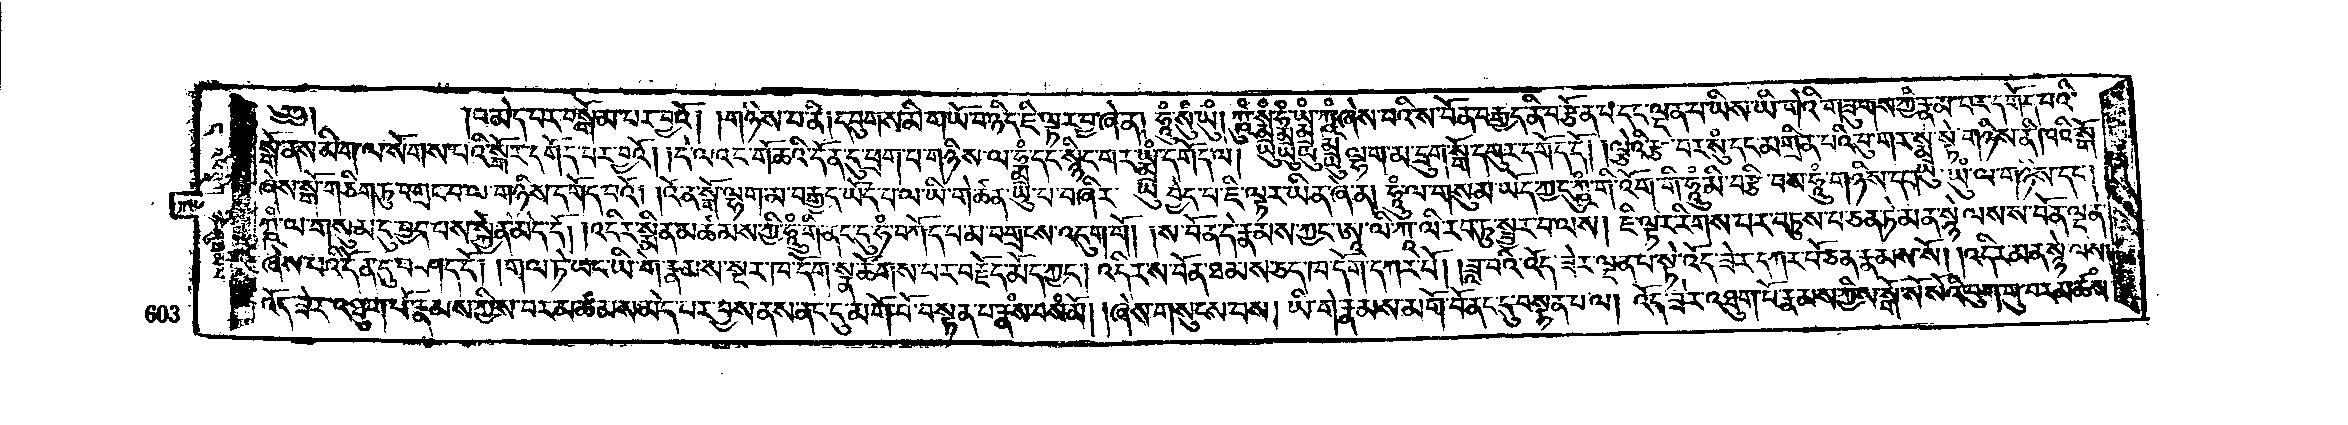༄༅། །བ་མེད་པར་བསྒོམ་པར་བྱའོ། །གཉིས་པ་ནི། དབུགས་མི་གཡོ་བ་ཉིད་ཇི་ལྟར་བྱ་ཞེ་ན། ཧཱུཾ་སུཾ་ཡུཾ། ཀྵུཾ་སྨྲྱུཾ་ཧྨྲྱུཾ་ཡྨྲྱུཾ་ཀྵྨྲྱུཾ་ཞེས་པའི་ས་བོན་བརྒྱད་ནི་བརྩོན་པ་དང་ལྡན་པ་ཡིས་ཡི་གེའི་གཟུགས་ཀྱི་རྣམ་པར་དགོད་པའི་
སྒོ་ནས་མིག་ལ་སོགས་པའི་སྒོར་དགོད་པར་བྱའོ། །དེ་ལའང་གོ་ཆའི་དོན་དུ་ཕྲག་པ་གཉིས་ལ་ཧྨྲྱུཾ་དང་སྙིང་གར་ཡྨྲྱུཾ་དགོད་ལ། ལྷག་མ་དྲུག་སྒོ་དགུར་དགོད་དོ། །ལྕེའི་རྩ་བར་སུམ་དང་མགྲིན་པའི་བུ་གར་སྨྲྱུཾ་སྟེ་གཉིས་ནི་ཁའི་སྒོ་
ཞེས་སྒོ་གཅིག་ཏུ་བགྲང་བ་ལ་གཉིས་དགོད་པའོ། །འོ་ན་སྒོ་ལྷག་མ་བརྒྱད་ཡོད་པ་ལ་ཡི་གེ་ཚན་པ་བཞིར་བྱེད་པ་ཇི་ལྟར་ཡིན་ཞེ་ན། ཧཱུཾ་ལ་གསུམ་ཡོད་ཀྱང་ཀྵུཾ་གི་འོག་གི་ཧཱུཾ་མི་བརྩི་བས་ཧཱུཾ་གཉིས་དང་། ཡུཾ་ལ་གཉིས་དང་།
ཀྵཾ་ལ་གསུམ་དུ་བྱེད་པས་སྐྱོན་མེད་དོ། །འདིར་སྨིན་མཚམས་ཀྱི་ཧཱུཾ་གི་ནང་དུ་ཧཾ་བཀོད་པ་མ་བགྲངས་འདུག་གོ །ས་བོན་དེ་རྣམས་ཀྱང་ཨཱ་ལི་ཀཱ་ལི་རབ་ཏུ་སྦྱར་བ་ལས། ཇི་ལྟར་རིགས་པར་བཏུས་པ་ཅན་ཏེ་མན་སྙེ་ལས་ས་བོན་ལྡན་
ཞེས་པའི་དོན་དུ་བཤད་དོ། །གལ་ཏེ་ཡང་ཡི་གེ་རྣམས་སྔར་ཁ་དོག་སྣ་ཚོགས་པར་བརྗོད་མོད་ཀྱང་། འདིར་ས་བོན་ཐམས་ཅད་ཁ་དོག་དཀར་པོ། །ཟླ་བའི་འོད་ཟེར་ལྡན་པ་སྟེ་འོད་ཟེར་དཀར་པོ་ཅན་རྣམས་སོ། །འདིར་མན་སྙེ་ལས་
འོད་ཟེར་འཐུག་པོ་རྣམས་ཀྱིས་བར་མཚམས་མེད་པར་བྱས་ནས་ནང་དུ་མགོ་བོ་བསྟན་པ་རྣམས་བསམ་མོ། །ཞེས་གསུངས་པས། ཡི་གེ་རྣམས་མགོ་བོ་ནང་དུ་བསྟན་པ་ལ། འོད་ཟེར་འཐུག་པོ་རྣམས་ཀྱིས་སྒོ་སོ་སོའི་བུག་གུ་བར་མཚམས་